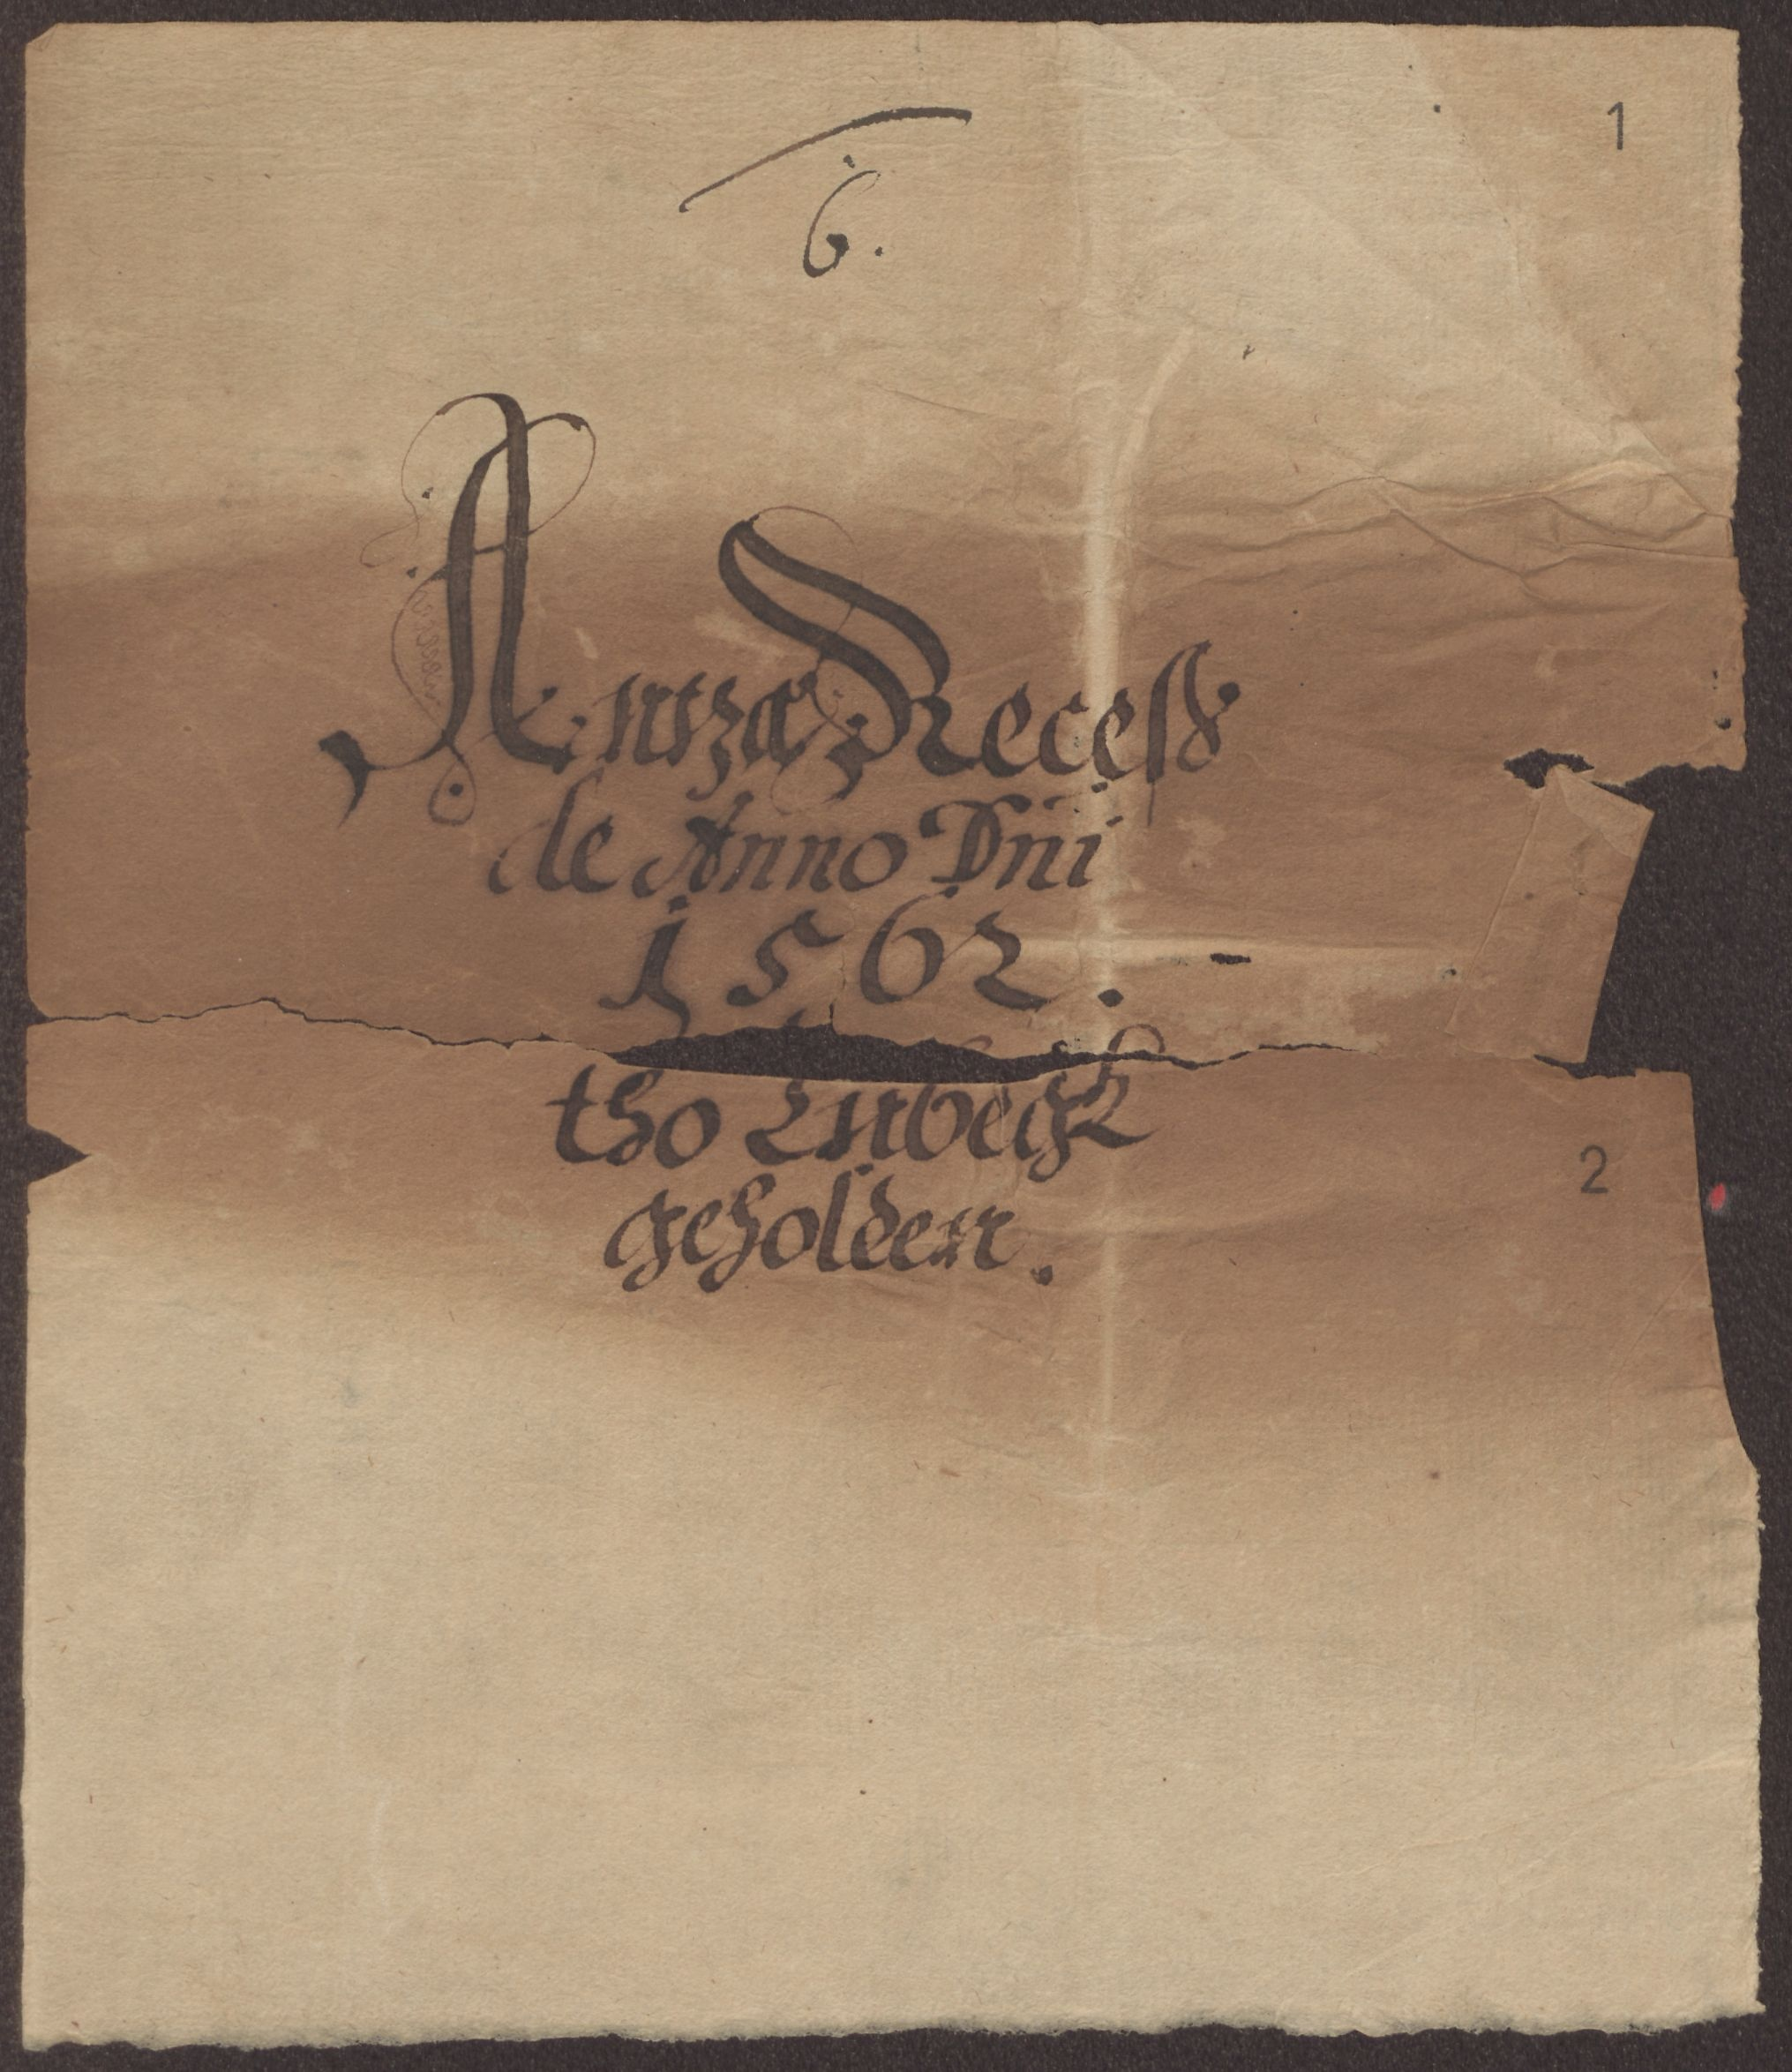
6.
Antzae Receß
de Anno Domini
1562.
tho Lubeck
geholden.
